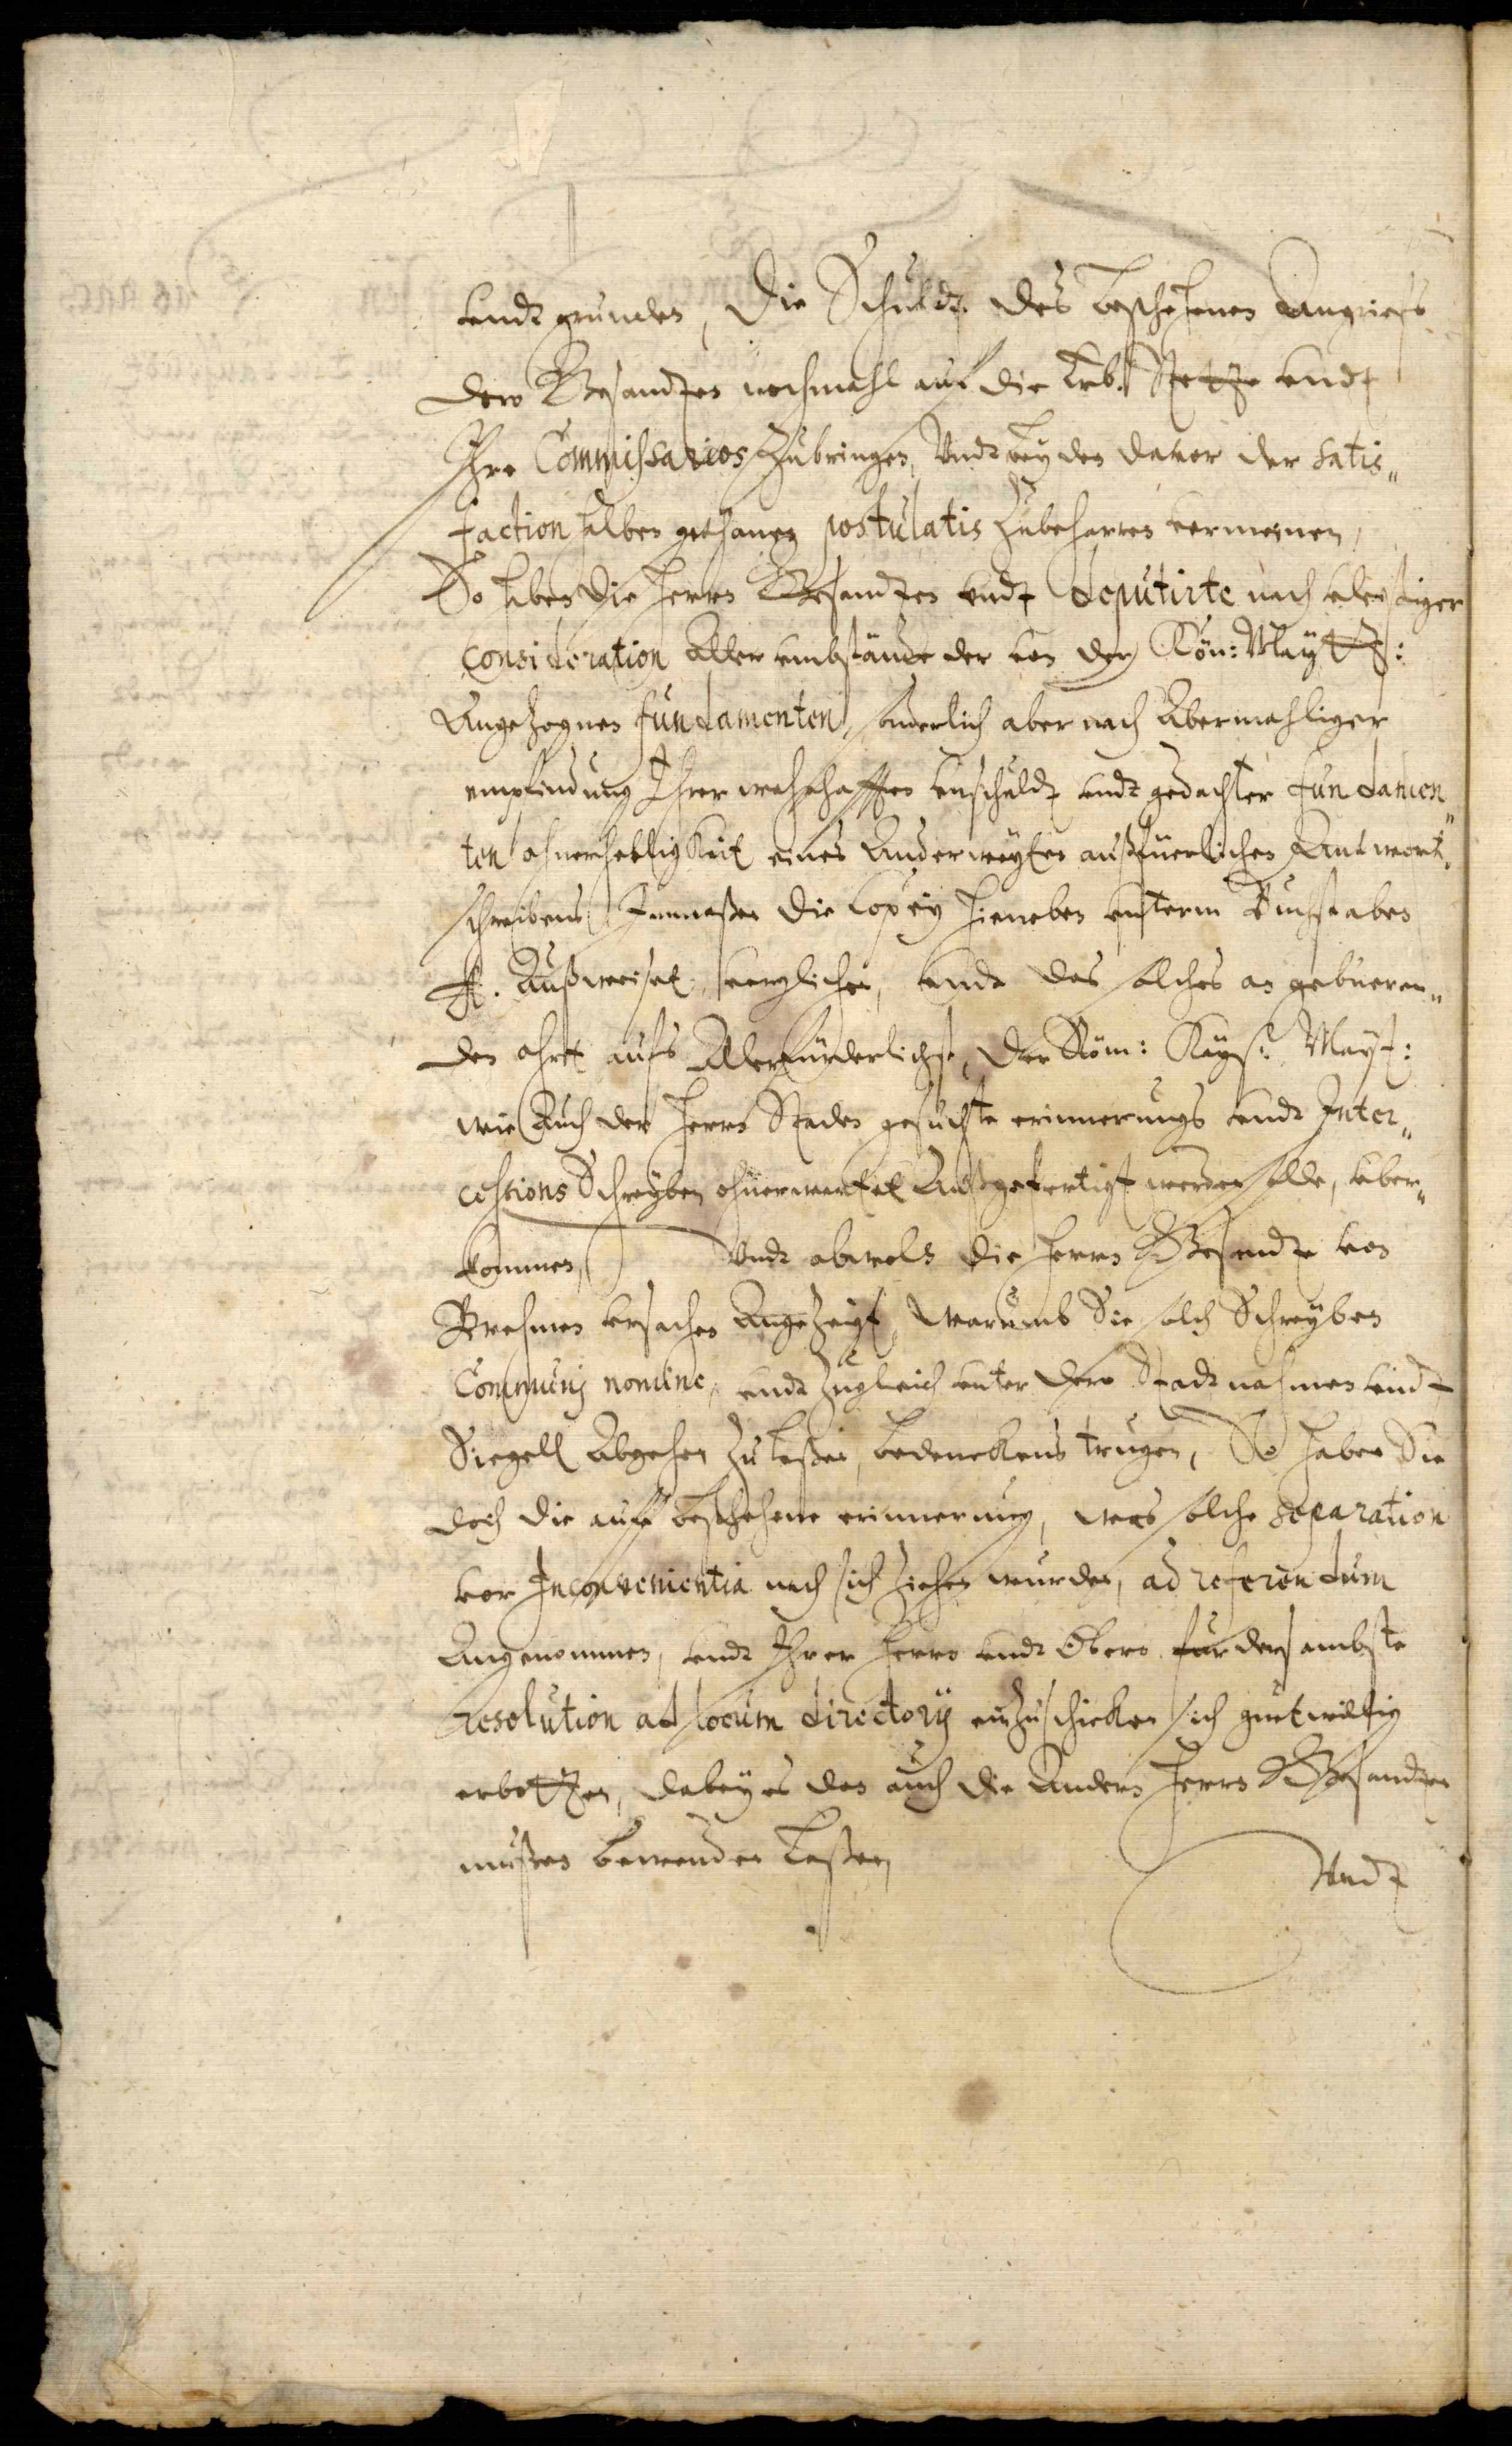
vndt grunden, Die Schuldt des beschehenen Angriefs
dero Gesandten nochmahl auf die Erb: Stette vndt
Ihre Commissarios zubringen, Vndt beij den davor der satis¬
faction halben gethanen postulatis zubeharren vermeinen,
So haben die Herrn Gesandten vndt deputirte nach vleißiger
consideration Aller vmbstände der von der Kön: Maijtt:
Angezognen fundamenten, sonderlich aber nach Abermahliger
empfindung Ihrer wahrhafften vnschuldt vndt gedachter fundamen¬
ten ohnerhebligkeit eines Anderweijten außfüerlichen Antwort¬
schreibens, Immaßen die Copeij hieneben vnterm Buchstaben
A. Außweiset, verglichen, vndt das solches an gebueren¬
den ohrtt aufs Allerfürderlichst, der Röm: Kaijs: Maijt:
wie Auch der herrn Staden gesuchte erinnerungs vndt Inter¬
cessions Schreiijben ohnerwartet Außgefertigt werden solle, vber¬
kommen, Vndt obwoll die herrn Gesandten von
Brehmen vrsachen Angezeigt, worvmb Sie solch Schreijben
Communi nomine, vndt zugleich vnter dero Stadt nahmen vnd
Siegell Abgehen zu laßen bedenckens trugen, So haben Sie
doch die auff beschehene erinnerung, was solche separation
vor Inconvenientia nach sich ziehen wurde, ad referendum
Angenommen, vndt Ihrer herrn vndt Obern fur dersambste
resolution ad locum directorij einzuschicken sich guetwillig
erbotten, dabeij es dan auch die Andern Herrn Gesandten
mußen bewenden laßen,
Vndt
